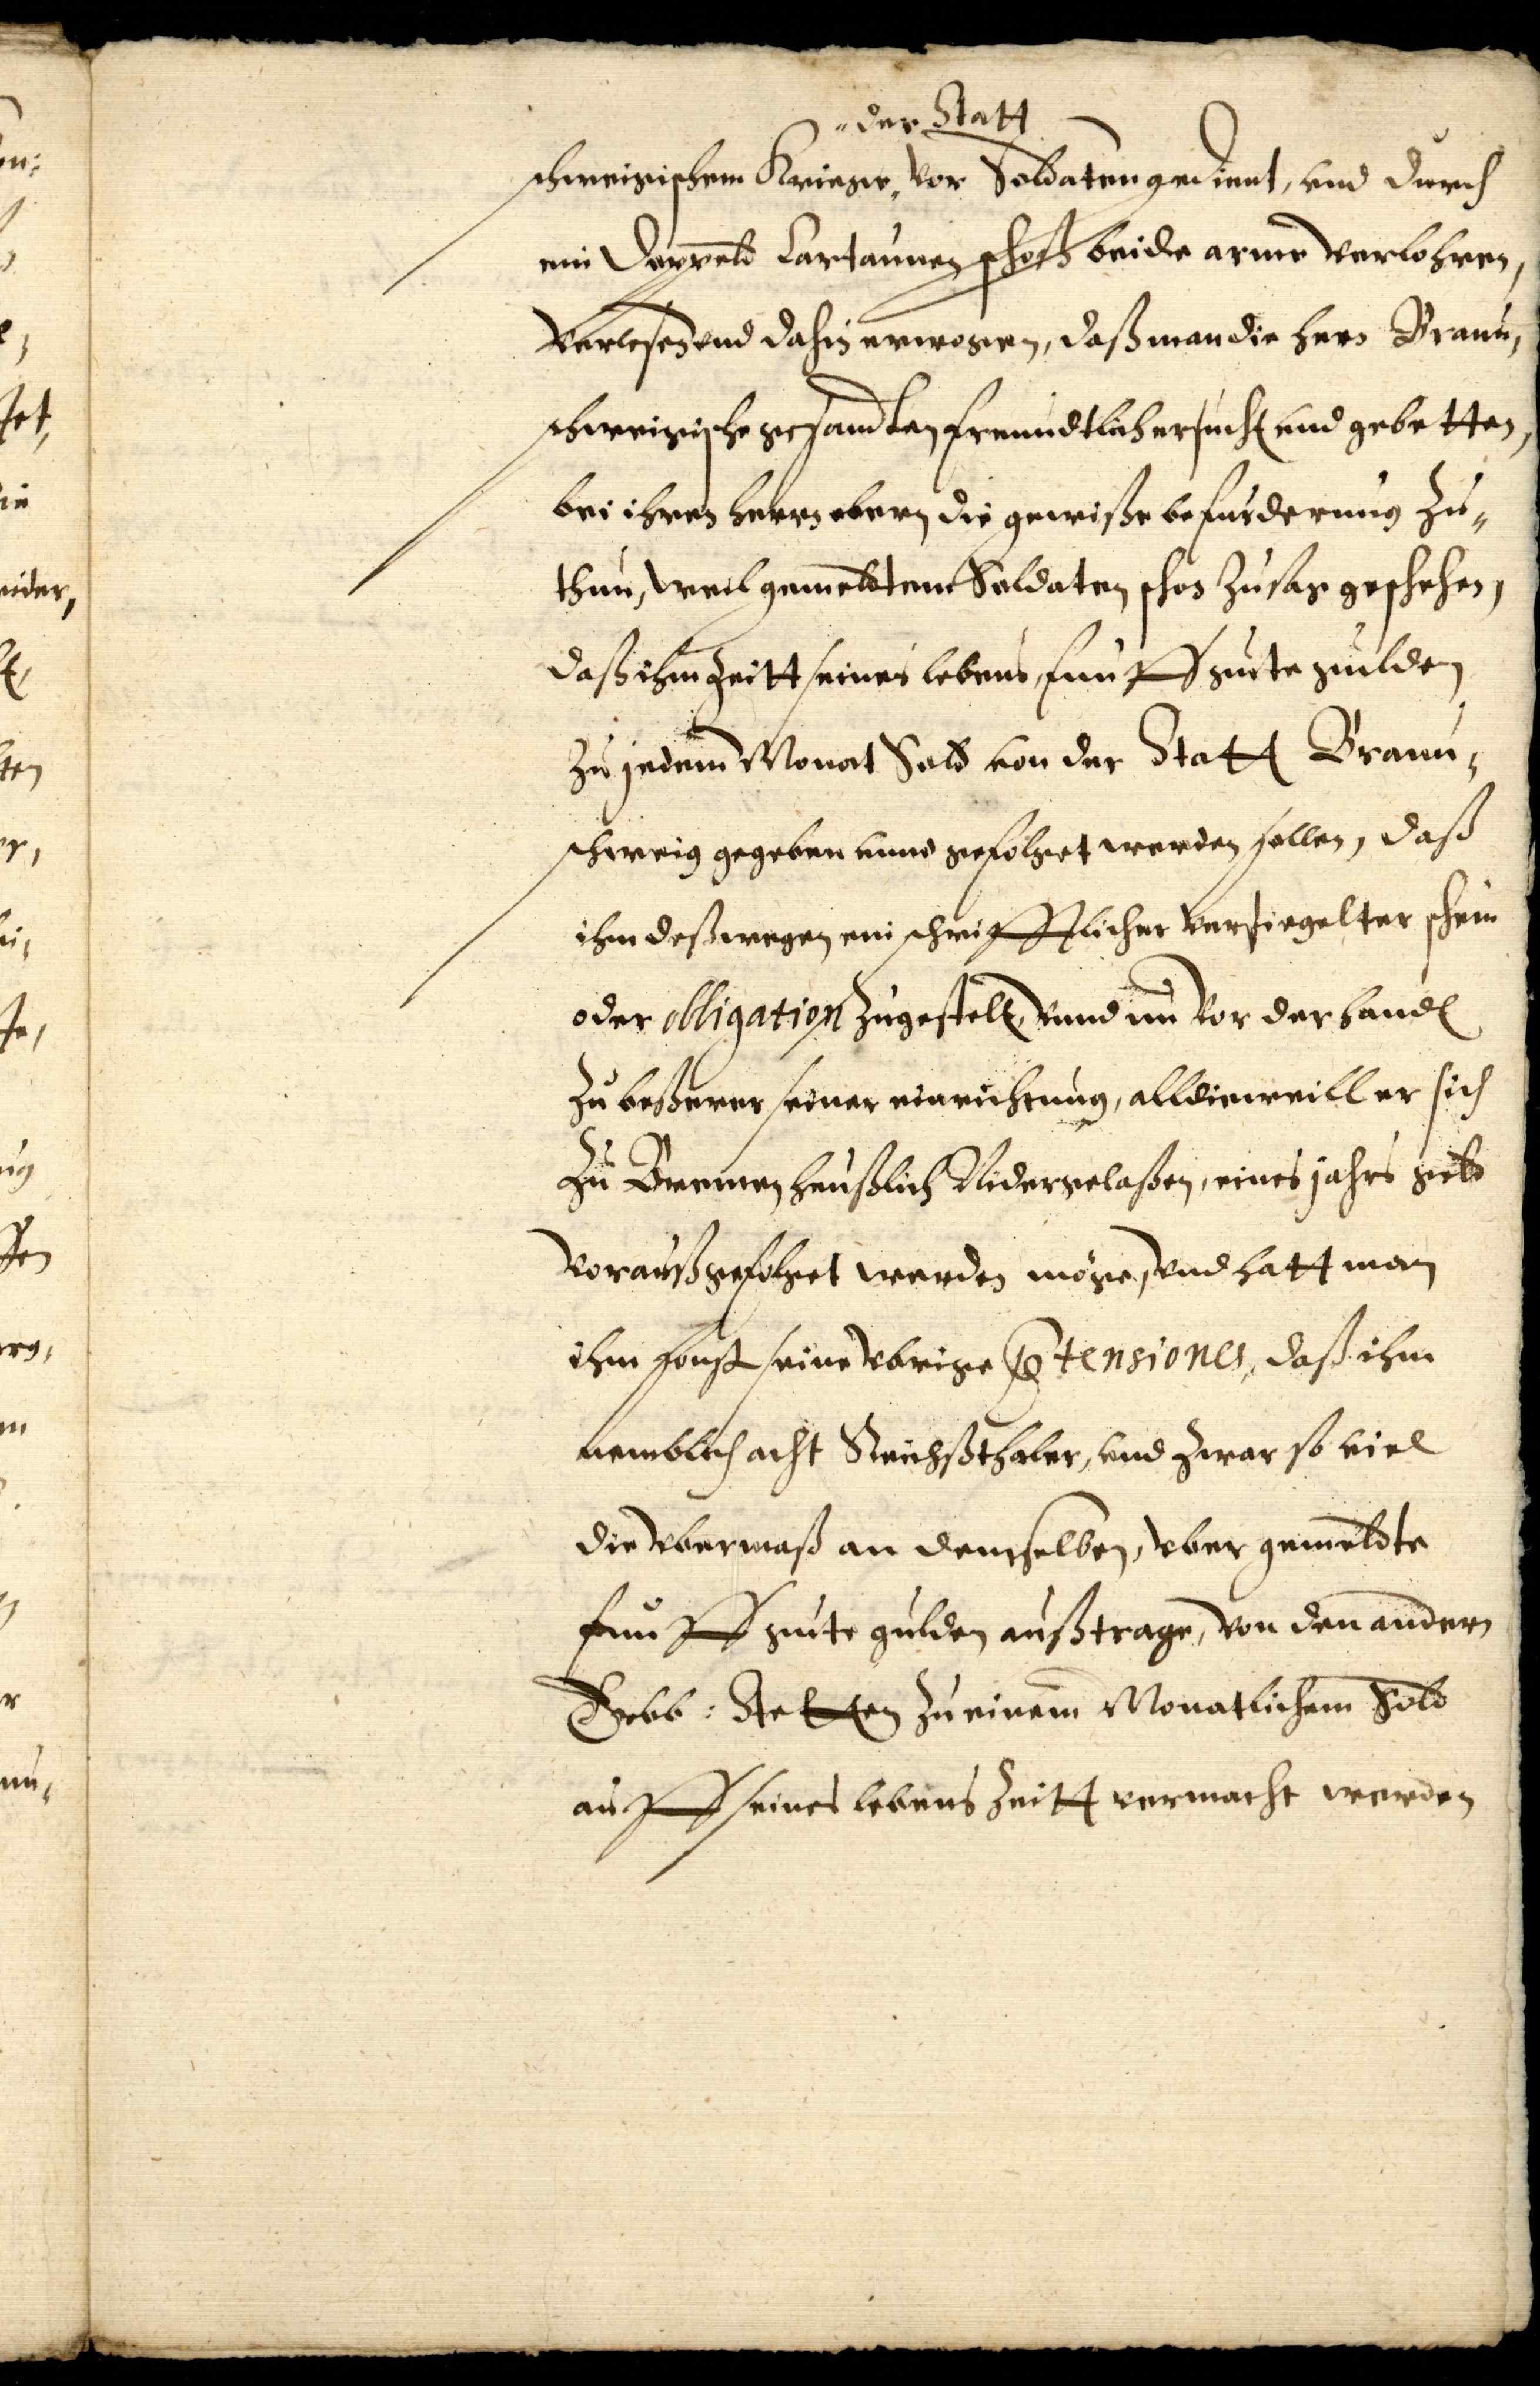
" der Statt
schweigischem Krieger " vor Soldaten gedient, vnd durch
ein doppeld Cartaunen schoß beide arme verlohren,
verlesen vnd dahin erwogen, daß man die hern Braun¬
schweigischen gesandten freundtlich ersucht vnd gebetten,
bei ihren herrn obern die gewiße befurderung zu¬
thun, weil gemeldtem Soldaten schon zusag geschehen,
daß ihm zeitt seinies lebens funff gute gulden
zu jedem Monat Sold von der Statt Braun¬
schweig gegeben vnnd gefolget werden sollen, daß
ihm deßwegen ein schrifftlicher versiegelter schein
oder obligation zugestelt, vnnd nu vor der handt
zu beßerer seiner einrichtung, alldieweill er sich
zu Bremen heußlich Nidergelaßen, eines jahrs geld
vorauß gefolget werden möge, vnd hatt man
ihm sonst seine vbrige Praetensiones, daß ihm
nemblich acht Reichßthaler, vnd zwar so viel
die vbermaß an demselben, vber gemeldte
funff gute gulden außtrage, von den andern
Erbb: Stetten zu einem Monatlichem Sold
auff seines lebens zeitt vermacht werden
